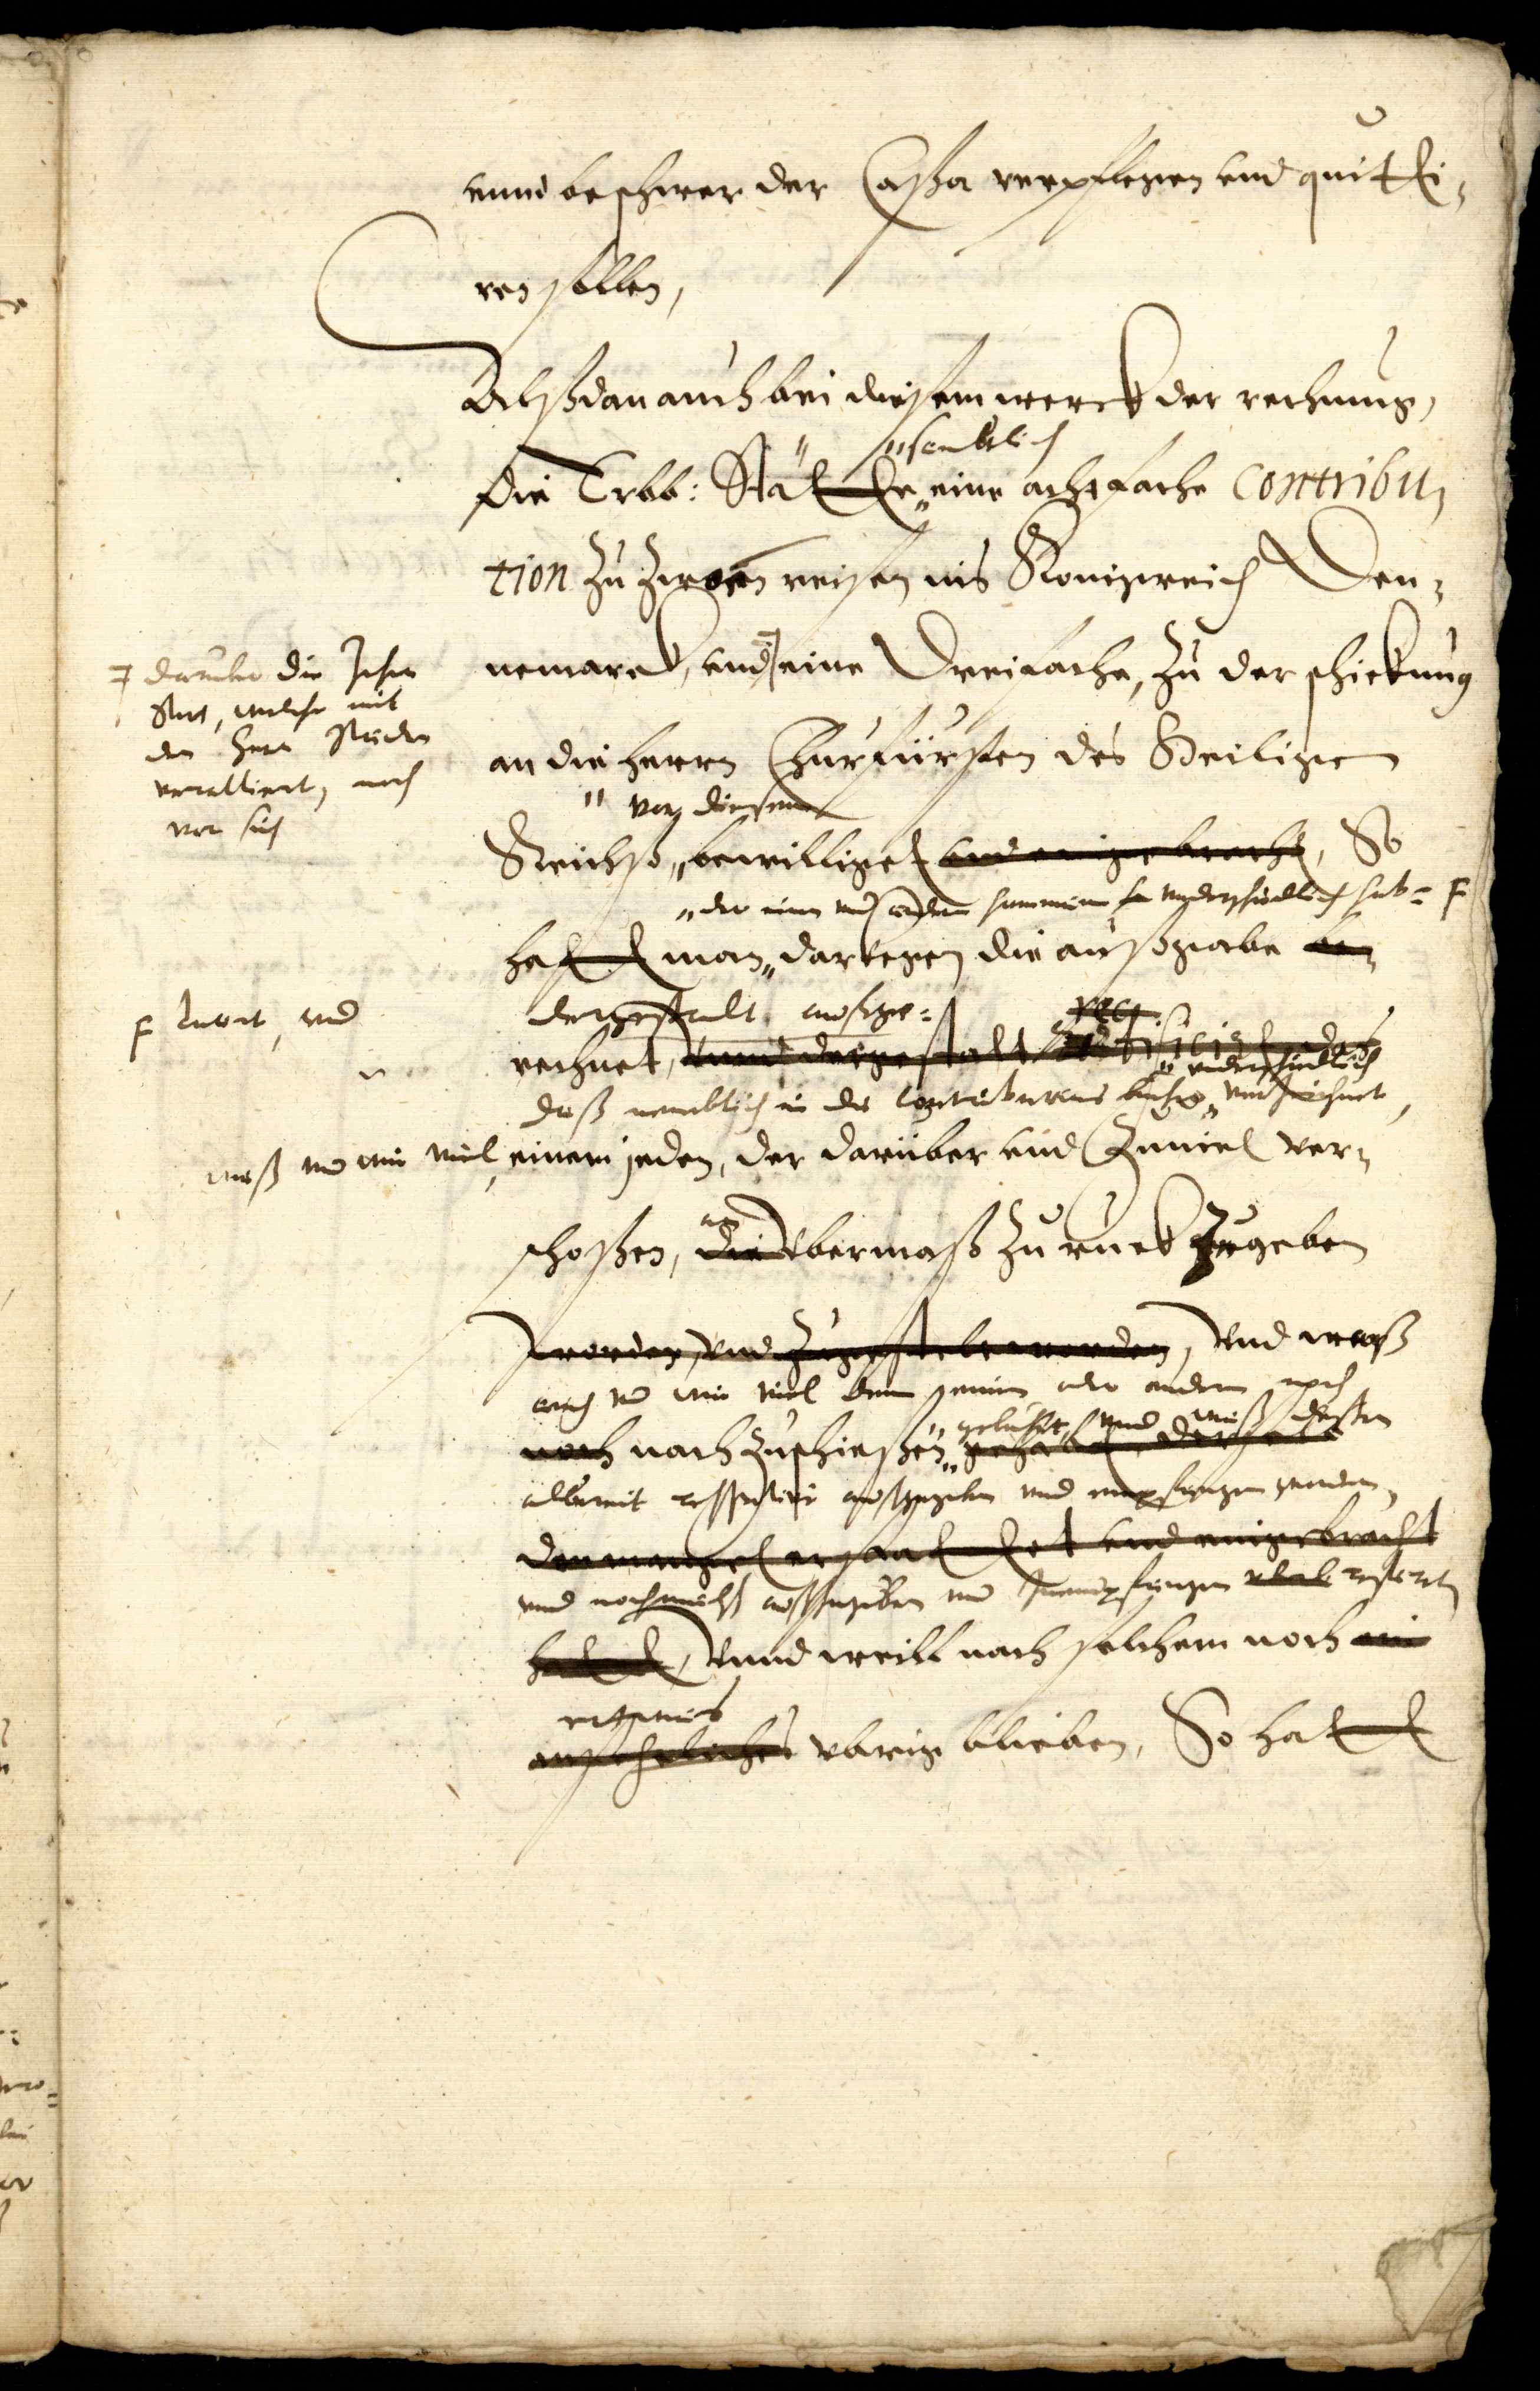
# daruber die zehen
sted, welche mit
den hern Staden
veralliert, auch
von sich
+ decret, vnd
vnnd beschwer der Caßa verpflegen vnd quitti¬
ren sollen,
Alßdan auch bei diesem werck der rechnung,
* sambtlich
die Erbb: Stätte * eine achtfache contribu¬
tion zu Zween reisen ins Konigreich Den¬
nemarck, vnd # eine dreifache, Zu der schickung
an die herrn Churfürsten des Heiligen
* von diesenn
Reichß * bewilliget vnd eingebracht, So
* der einen und anderen summen fa underschiedlich sub: +
hatt man * darkegen die außgabe von
dergestelt außge=
rec:
rechnet, Vnnd dergestalt ratificirt das
* vnderschiedlich
daß nemblich in der Contributions cassa * entrichtet,
waß vnd wie viel einem jeden, der darüber vnd Zuuiel ver¬
* an
schoßen, * die Vbermaß Zu ruck Zugeben
Worden , vnd zugestelt werden, Vnd waß
auch vnd wie viel dem einen oder andern noch
* gebührt vnd wieß deßen
noch nachzuschießen * gehabt, derhalb
albereit assetivi außgegeben vnd empfangen worden,
den mangel erstettet vnd eingebracht
vnd nochmahls außzugeben vnd zueempfangen vbel rechnen
hatt, Vnnd weill nach solchem noch ein
etwas
ansehnliches vbrig bleiben, So hatt
